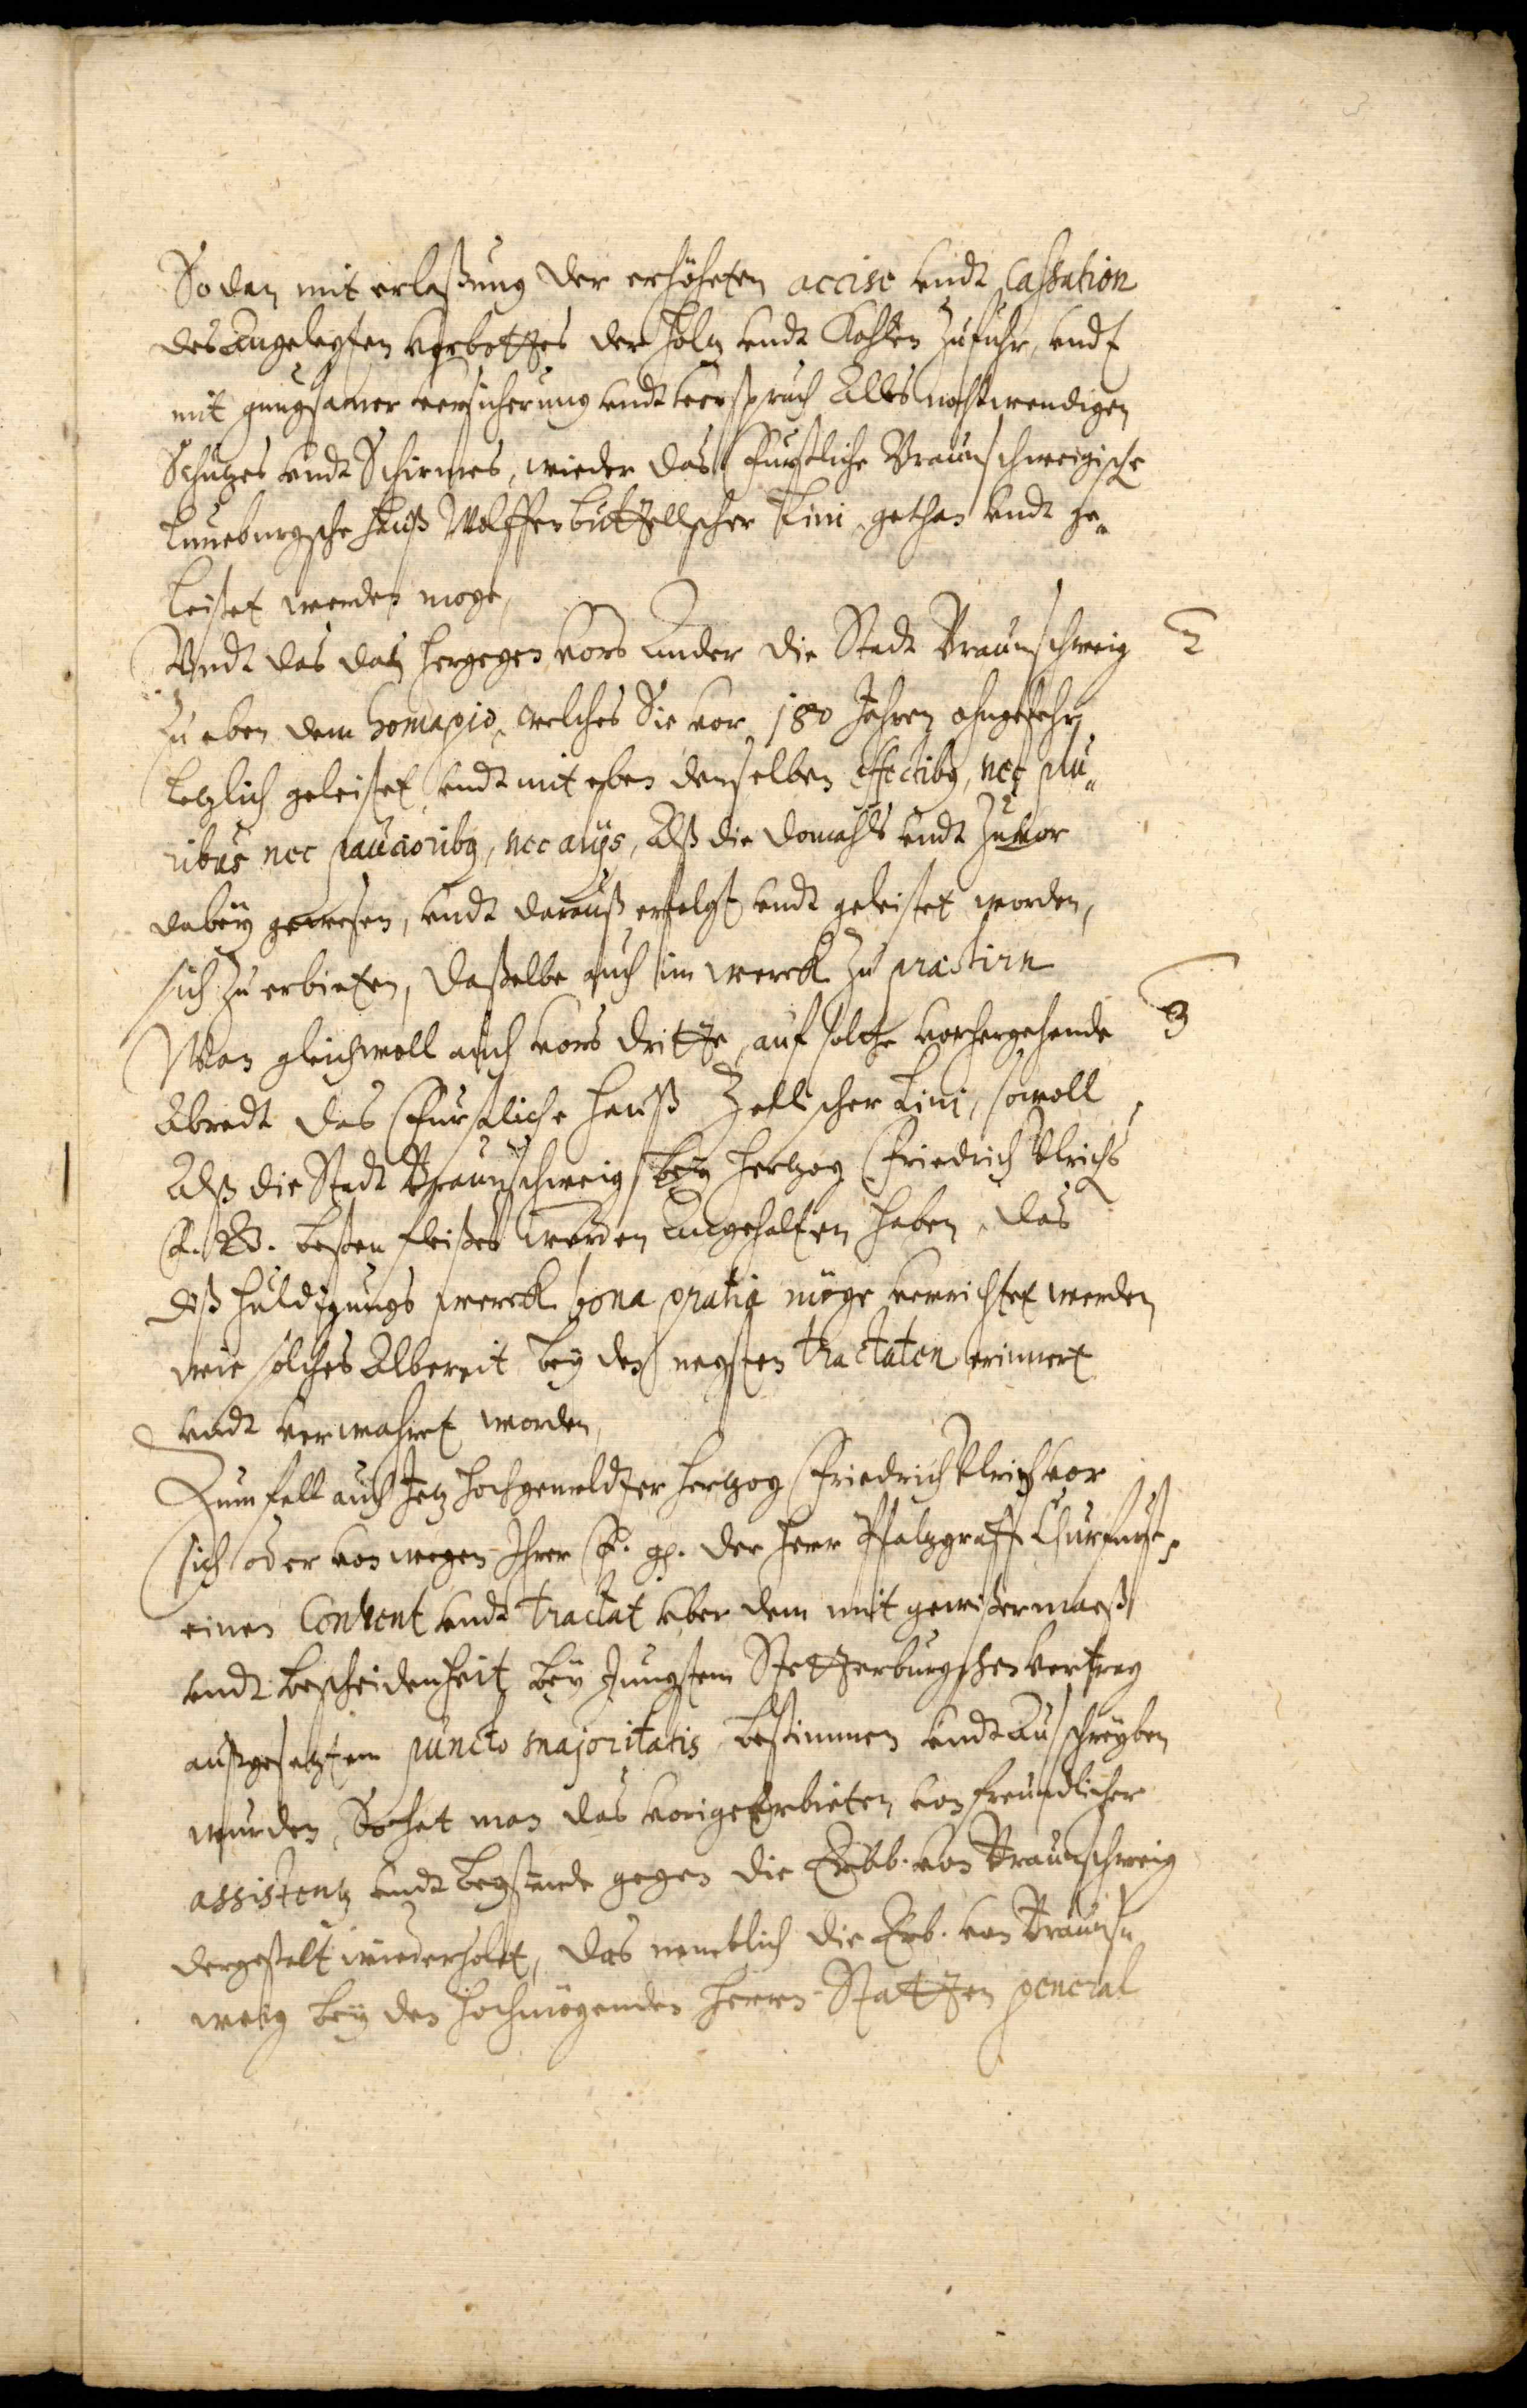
So dan mit erlaßung der erhöheten accise vndt Cassation
des Angelegten verbottes der holtz vndt Kohlen zufuhr, vndt
mit gnugsamer versicherung vndt verspruch Alles nohtwendigen
Schutzes vndt Schirmes, wieder das Furstliche Braunschweigische
Luneburgsche hauß Wolffenbuttellscher Lini, gethan vndt ge¬
leistet werden moge,
Vndt das dan hergegen vors Ander die Stadt Braunschweig
zu eben dem homagio, welches Sie vor 180 Jahren ohngefehr
letzlich geleistet vndt mit eben denselben effectibus, nec plu¬
ribus nec paucioribus, nec alijs, Alß die domahls vndt zuvor
dabeij gewesen, vndt darauß erfolgt vndt geleistet worden,
sich zu erbieten, daßelbe auch im werck zu praestirn
Wan gleichwoll auch vors dritte, auf solche vorhergehende
Abredt das Furstliche hauß Zellischer Lini, sowoll
Alß die Stadt Braunschweig beij hertzog Friedrich Vlrichens
F. G beßen fleißes werden Angehalten haben, das
diß huldigungs werck bona gratia möge verrichtet werden
wie solches Albereit beij den negsten tractaten erinnert
vndt verwahret worden,
Zum fell auch Jetz hochgemeldter hertzog Friedrich Vlrich vor
sich oder von wegen Ihrer F. g. der herr Pfaltzgraff Churfurst p
einen Convent vndt tractat vber dem mit gewißermaeß
vndt bescheidenheit bey Jungstem Stetterburgschen vertrag
außgesetztem puncto majoritatis bestimmen vndt Ausschreijben
wurden, So hat man das vorige Erbieten von freundlicher
assistentz vndt beystande gegen die Erbb. von Braunschweig
dergestalt wiederholet, das nemblich die Erb. von Brauns¬
weig beij den hochmögenden herrn Statten general
2
3
